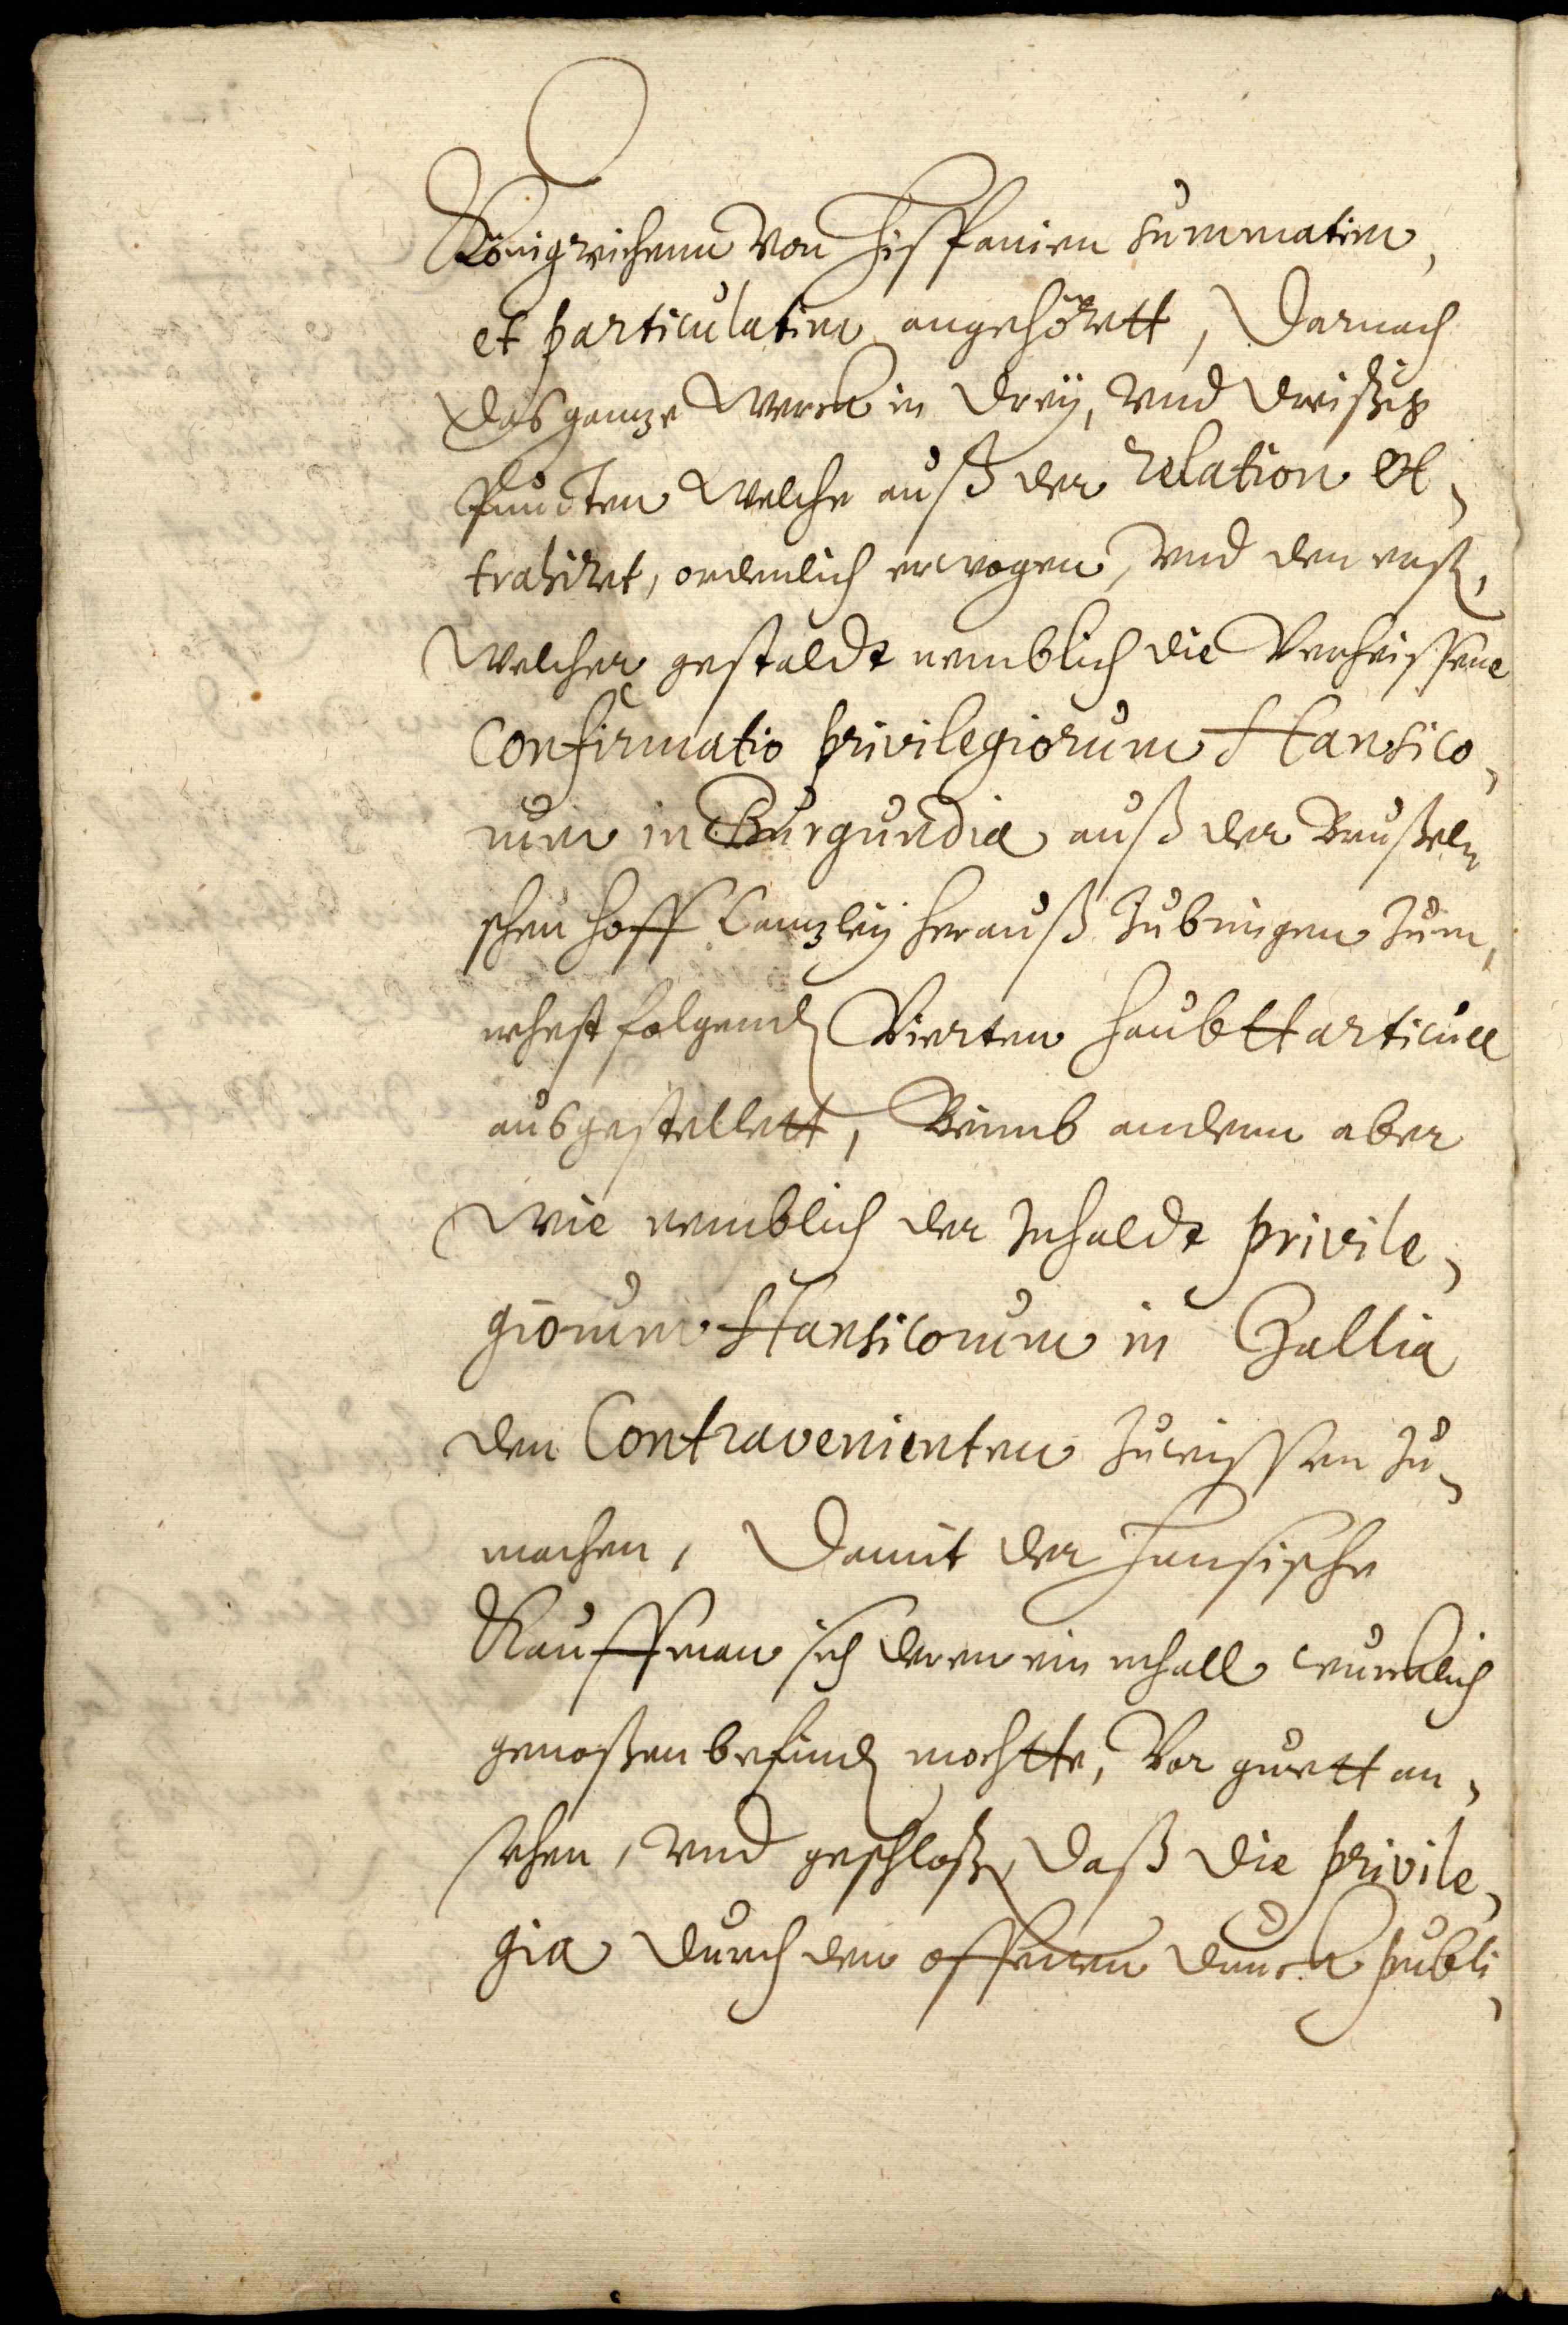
Königreichen von Hispanien summatim,
et particulatim angehörett, Darnach
das ganze werck in dreij, vnd dreißig
Puncten welche auß der Relation ex¬
trahiret, ordenlich erwogen,vnd den ersten,
welcher gestaldt nemblich die Verheissene
Confirmatio privilegiorum Hansico,
nun in Burgundia auß der Brußel¬
schen hoff Canzleij herauß zu bringen In dem,
nehest folgenden Vierten haubtt articull
ausgestellett, Brumb andern aber
wie nemblich der Inhaldt privile¬
giorumm Hansicorum in Gallia
den Contravenienten zu wissen zu¬
machen, damit der hansische
Kauffman sich deren ein mhall wurcklich
genoßen befunden mochtte, vor guett an¬
sehen, vnd geschloßen,daß die privile¬
gia durch den offenen durch publi¬
